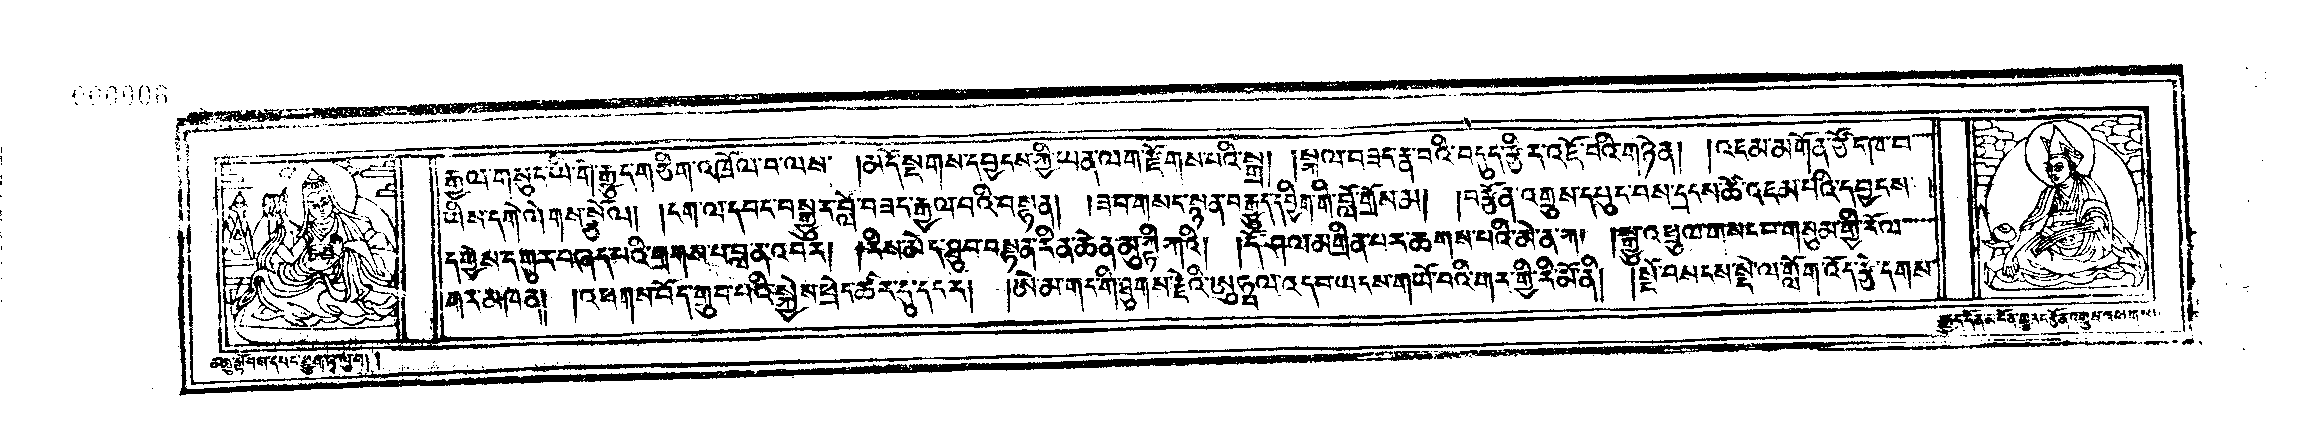རྒྱལ་གསུང་ཡི་གེ་རྒྱུད་གཅིག་འཁྲོལ་བ་ལས། །མདོ་སྔགས་དབྱངས་ཀྱི་ཡན་ལག་རྫོགས་པའི་སྒྲ། །སྐལ་བཟང་རྣ་བའི་བདུད་རྩིར་འཇོ་བའི་གཉེན། །འཇམ་མགོན་ཙོང་ཁ་པ་
ཡིས་དགེ་ལེགས་སྩོལ། །ངག་ལ་དབང་བསྒྱུར་བློ་བཟང་རྒྱལ་བའི་བསྟན། །ཟབ་གསང་སྙན་བརྒྱུད་དབྱིག་གི་བློ་གྲོས་མ། །བརྩོན་འགྲུས་དཔུང་བས་དྲངས་ཚེ་འཇམ་པའི་དབྱངས། །
དགྱེས་དགུར་བཞད་པའི་གྲགས་པ་བླ་ན་འབར། །རིས་མེད་ཐུབ་བསྟན་རིན་ཆེན་མུཀྟི་ཀའི། །དོ་ཤལ་མགྲིན་པར་ཆགས་པའི་མེ་ན་ཀ། །སྒྱུ་འཕྲུལ་གསང་བ་གསུམ་གྱི་རོལ་
གར་མཁན། །འཕགས་བོད་གྲུབ་པའི་སྐྱེས་ཕྲེང་ཚར་དུ་དངར། །ཨེ་མ་གང་གི་ཐུགས་རྗེའི་ཨུཏྤལ་འདབ་ཡངས་གཡོ་བའི་གར་གྱི་རི་མོ་ནི། །སྔོ་བསངས་སྡེ་ལ་གློག་འོད་རྩེ་དགས་